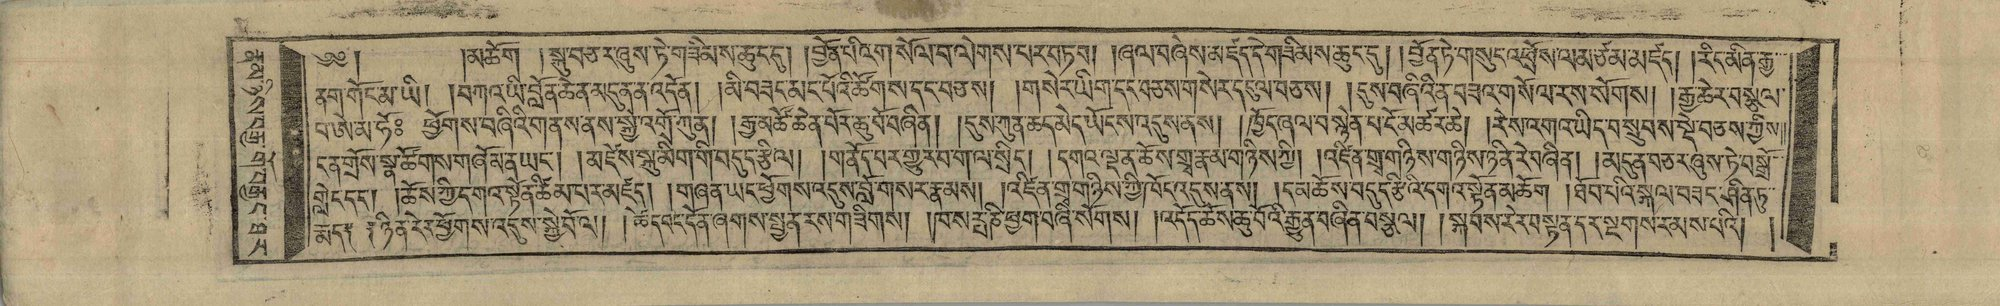༄༅། །མཆོག །སྐུ་བཅར་ཞུས་ཏེ་གཟིམས་ཆུང་དུ། །བྱོན་པའི་གསོལ་བ་ལེགས་པར་བཏབ། །ཞལ་བཞེས་མཛད་དེ་གཟིམས་ཆུང་དུ། །བྱོན་ཏེ་གསུང་འཕྲོས་ལམ་ཙམ་མཛད། །རིང་མིན་རྒྱ་
ནག་གོང་མ་ཡི། །བཀའ་ཡི་བློན་ཆེན་མདུན་ན་འདོན། །མི་བཟང་མང་པོའི་ཚོགས་དང་བཅས། །གསེར་ཡིག་དང་བཅས་གསེར་དངུལ་བཅས། །དུས་བཞིའི་ན་བཟའ་གསོལ་རས་སོགས། །རྒྱ་ཆེར་བསྩལ་
བ་ཨེ་མ་ཧོཿ ཕྱོགས་བཞིའི་གནས་ནས་སྐྱེ་འགྲོ་ཀུན། །རྒྱ་མཚོ་ཆེན་པོར་ཆུ་བོ་བཞིན། །དུས་ཀུན་ཆད་མེད་ཡོངས་འདུས་ནས། །ཁྱོད་ཞལ་བསྙེན་པ་ངོ་མཚར་ཆེ། །རེས་འགའ་ཡིད་བསྲུབས་སྡེ་བཅས་ཀྱིས།།
ངན་གྲོས་སྣ་ཚོགས་གཞོམ་ན་ཡང་། །མཛེས་སྐུ་མིག་གི་བདུད་རྩིལ། །གནོད་པར་གྱུར་བ་ག་ལ་སྲིད། །དགའ་ལྡན་ཆོས་གྲྭ་རྣམ་གཉིས་ཀྱི། །འཛིན་གྲྭ་གཉིས་གཉིས་ཉིན་རེ་བཞིན། །མདུན་བཅར་ཞུས་ཏེ་བསྒྲོ་
གླེང་དང་། །ཆོས་ཀྱི་དགའ་སྟོན་ཚིམ་པར་མཛད། །གཞན་ཡང་ཕྱོགས་འདུས་བློ་གསར་རྣམས། །འཛིན་གྲྭ་གཉིས་ཀྱི་ཁོང་འདུས་ནས། །དམ་ཆོས་བདུད་རྩིའི་དགའ་སྟོན་མཆོག །ཐོབ་པའི་སྐལ་བཟང་ཤིན་ཏུ་
རྨད༑ ༑ཉིན་རེར་ཕྱོགས་འདུས་སྐྱེ་བོ་ལ། །ཚེ་དབང་དོན་ཞགས་སྤྱན་རས་གཟིགས། །ཁ་སརྤ་ཎི་ཕྱག་བཞི་སོགས། །འདོད་ཆོས་ཆུ་བོའི་རྒྱུན་བཞིན་བསྩལ། །སྐབས་རེར་བསྟན་དར་སྔགས་རམས་པའི། །